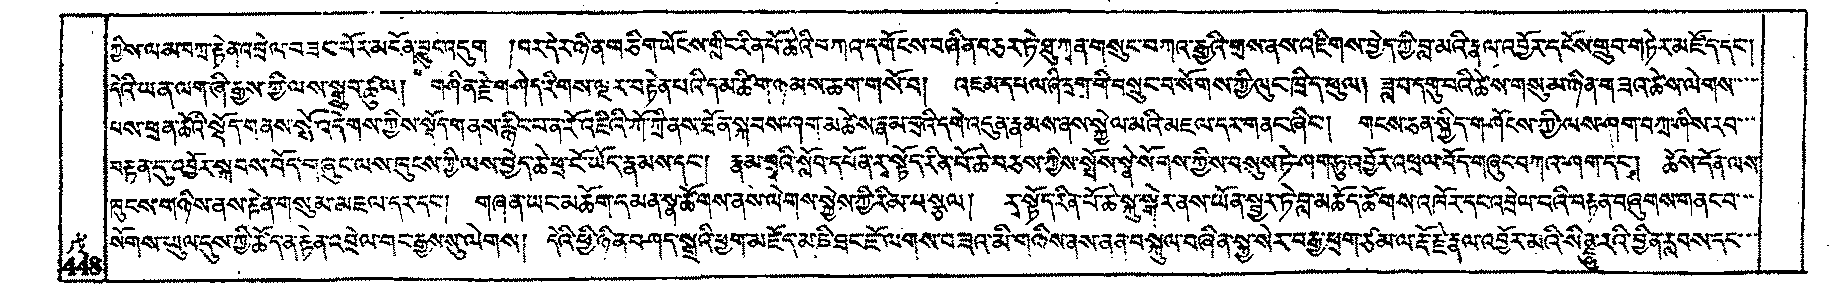ཀྱིས་ལམ་བཀྲ་རྟེན་འབྲེལ་བཟང་པོར་མངོན་པ་བྱུང་འདུག །བར་དེར་ཉིན་གཅིག་ཡོངས་གླིང་རིན་པོ་ཆེའི་བཀའ་དགོངས་བཞིན་བཅར་ཏེ་ཐུ་ཀྭན་གསུང་བཀའ་རྒྱའི་གྲས་ནས་འཇིགས་བྱེད་ཀྱི་བླ་མའི་རྣལ་འབྱོར་དངོས་གྲུབ་གཏེར་མཛོད་དང་།
དེའི་ཡན་ལག་ཞི་རྒྱས་ཀྱི་ལས་སྒྲུབ་ཚུལ། གཤིན་རྗེ་གཤེད་རིགས་ལྔར་བརྟེན་པའི་དམ་ཚིག་ཉམས་ཆག་གསོ་བ། འཇམ་དཔལ་ཞི་དྲག་གི་བསྲུང་བ་སོགས་ཀྱི་ལུང་ཁྲིད་ཕུལ། ཟླ་བ་དགུ་པའི་ཚེས་གསུམ་ཉིན་གཟའ་ཚེས་ལེགས་
པས་ཕྲན་ཚོའི་སྡོད་གནས་སྤོ་འདེགས་ཀྱིས་སྡོད་གནས་རྙིང་པ་ན་རོ་འཇིའི་ཀོ་ཀྲི་ནས་ཐོན་སྐབས་ཤག་མཚེས་རྣམ་གྲའི་དགེ་འདུན་རྣམས་ནས་སྐྱེལ་མའི་མཇལ་དར་གནང་ཞིང་། གངས་ཅན་སྐྱིད་གཤོངས་ཀྱི་ལས་ཤག་བཀྲ་ཤིས་རབ་
བརྟན་དུ་འབྱོར་སྐབས་བོད་གཞུང་ལས་ཁུངས་ཀྱི་ལས་བྱེད་ཆེ་ཕྲ་ངོ་ཡོད་རྣམས་དང་། རྣམ་གྲྭའི་སློབ་དཔོན་རྭ་སྟོད་རིན་པོ་ཆེ་བཅས་ཀྱིས་སྤོས་སྣེ་སོགས་ཀྱིས་བསུས་ཏེ་ཤག་ཏུ་འབྱོར་འཕྲལ་བོད་གཞུང་བཀའ་ཤག་དང་། ཆོས་དོན་ལས་
ཁུངས་གཉིས་ནས་རྟེན་གསུམ་མཇལ་དར་དང་། གཞན་ཡང་མཆོག་དམན་སྣ་ཚོགས་ནས་ལེགས་སྐྱེས་ཀྱི་རིམ་པ་སྩལ། རྭ་སྟོད་རིན་པོ་ཆེ་སྐུ་སྒེར་ནས་ཡོན་སྦྱར་ཏེ་བླ་མཆོད་ཚོགས་འཁོར་དང་འབྲེལ་བའི་བརྟན་བཞུགས་གནང་བ་
སོགས་ཡུལ་དུས་ཀྱི་ཚོད་ན་རྟེན་འབྲེལ་གང་རྒྱས་སུ་ལེགས། དེའི་ཕྱི་ཉིན་བཤད་སྒྲའི་ཕྱག་མཛོད་མ་ཎི་ཐང་ཇོ་ལགས་བཟའ་མི་གཉིས་ནས་ནན་བསྐུལ་བཞིན་སྐྱ་སེར་བརྒྱ་ཕྲག་ཙམ་ལ་རྡོ་རྗེ་རྣལ་འབྱོར་མའི་སིནྡྷུ་རའི་བྱིན་རླབས་དང་